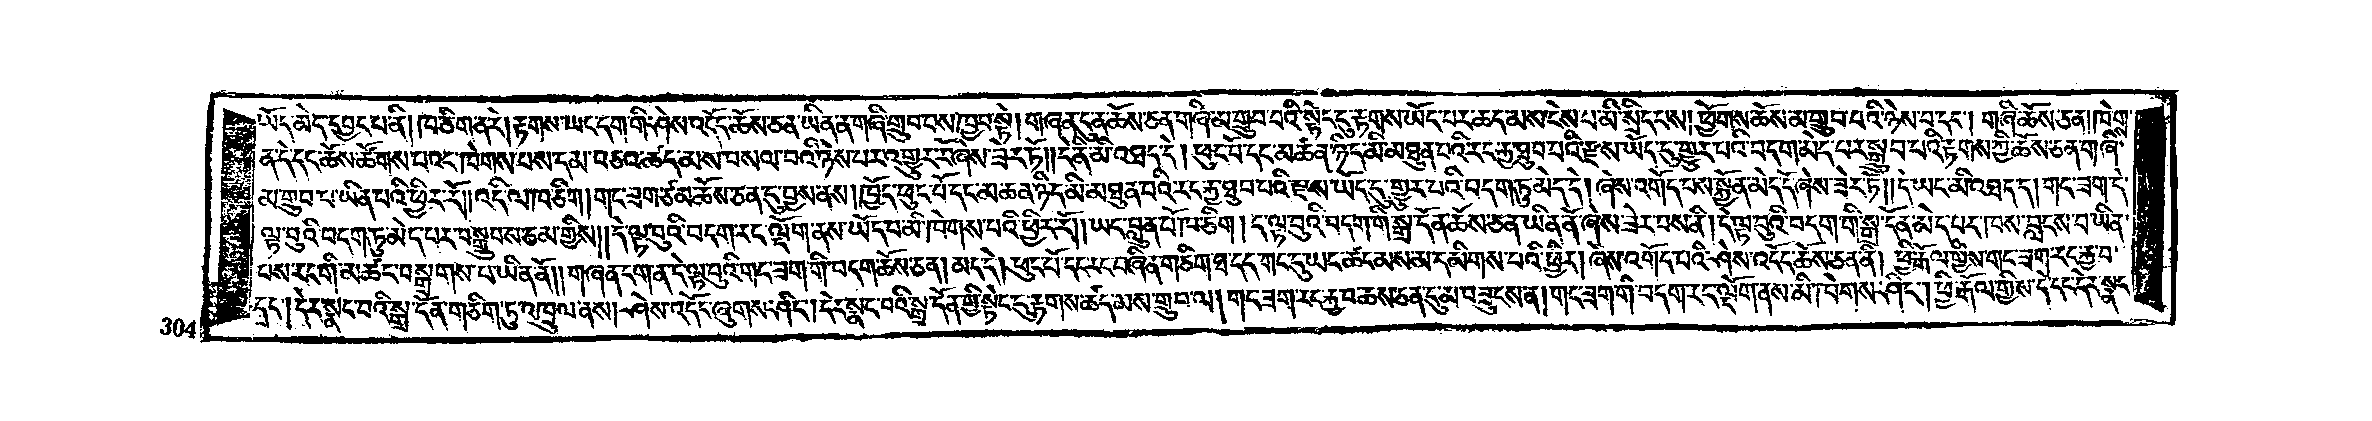ཡོད་མེད་དཔྱད་པ་ནི། ཁ་ཅིག་ན་རེ། རྟགས་ཡང་དག་གི་ཤེས་འདོད་ཆོས་ཅན་ཡིན་ན་གཞི་གྲུབ་པས་ཁྱབ་སྟེ། གཞན་དུ་ན་ཆོས་ཅན་གཞི་མ་གྲུབ་པའི་སྟེང་དུ་རྟགས་ཡོད་པར་ཚད་མས་ངེས་པ་མི་སྲིད་པས། ཕྱོགས་ཆོས་མ་གྲུབ་པའི་ཉེས་པ་དང་། གཞི་ཆོས་ཅན། ཁེགས་
ན་དེ་དང་ཆོས་ཚོགས་པའང་ཁེགས་པས་དམ་བཅའ་ཚད་མས་བསལ་བའི་ཉེས་པར་འགྱུར་རོ་ཞེས་ཟེར་ཏོ། །དེ་ནི་མི་འཐད་དེ། ཕུང་པོ་དང་མཚན་ཉིད་མི་མཐུན་པའི་རང་རྐྱ་ཐུབ་པའི་རྫས་ཡོད་དུ་གྱུར་པའི་བདག་མེད་པར་སྒྲུབ་པའི་རྟགས་ཀྱི་ཆོས་ཅན་གཞི་
མ་གྲུབ་པ་ཡིན་པའི་ཕྱིར་རོ། །འདི་ལ་ཁ་ཅིག །གང་ཟག་ཙམ་ཆོས་ཅན་དུ་བྱས་ནས། ཁྱོད་ཕུང་པོ་དང་མཚན་ཉིད་མི་མཐུན་པའི་རང་རྐྱ་ཐུབ་པའི་རྫས་ཡོད་དུ་གྱུར་པའི་བདག་ཏུ་མེད་དེ། ཞེས་འགོད་པས་སྐྱོན་མེད་དོ་ཞེས་ཟེར་ཏོ། །དེ་ཡང་མི་འཐད་དེ། གང་ཟག་དེ་
ལྟ་བུའི་བདག་ཏུ་མེད་པར་བསྒྲུབས་ཙམ་གྱིས། །དེ་ལྟ་བུའི་བདག་རང་ལྡོག་ནས་ཡོད་པ་མི་ཁེགས་པའི་ཕྱིར་རོ། །ཡང་བླུན་པོ་ཁ་ཅིག །དེ་ལྟ་བུའི་བདག་གི་སྒྲ་དོན་ཆོས་ཅན་ཡིན་ནོ་ཞེས་ཟེར་བས་ནི། དེ་ལྟ་བུའི་བདག་གི་སྒྲ་དོན་མེད་པར་ཁས་བླངས་པ་ཡིན་
པས་རང་གི་མཚང་བསྒྲགས་པ་ཡིན་ནོ། །གཞན་དག་ནི་དེ་ལྟ་བུའི་གང་ཟག་གི་བདག་ཆོས་ཅན། མེད་དེ། ཕུང་པོ་དང་རང་བཞིན་གཅིག་ཐ་དད་གང་དུ་ཡང་ཚད་མས་མ་དམིགས་པའི་ཕྱིར། ཞེས་འགོད་པའི་ཤེས་འདོད་ཆོས་ཅན་ནི། ཕྱི་རྒོལ་གྱིས་གང་ཟག་རང་རྐྱ་བ་
དང་། དེར་སྣང་བའི་སྒྲ་དོན་གཅིག་ཏུ་འཁྲུལ་ནས། ཤེས་འདོད་ཞུགས་ཤིང་། དེར་སྣང་བའི་སྒྲ་དོན་གྱི་སྟེང་དུ་རྟགས་ཚད་མས་གྲུབ་ལ། གང་ཟག་རང་རྐྱ་བ་ཆོས་ཅན་དུ་མ་བཟུང་ན། གང་ཟག་གི་བདག་རང་ལྡོག་ནས་མི་ཁེགས་ཤིང་། ཕྱི་རྒོལ་གྱིས་དེ་དང་དེར་སྣང་